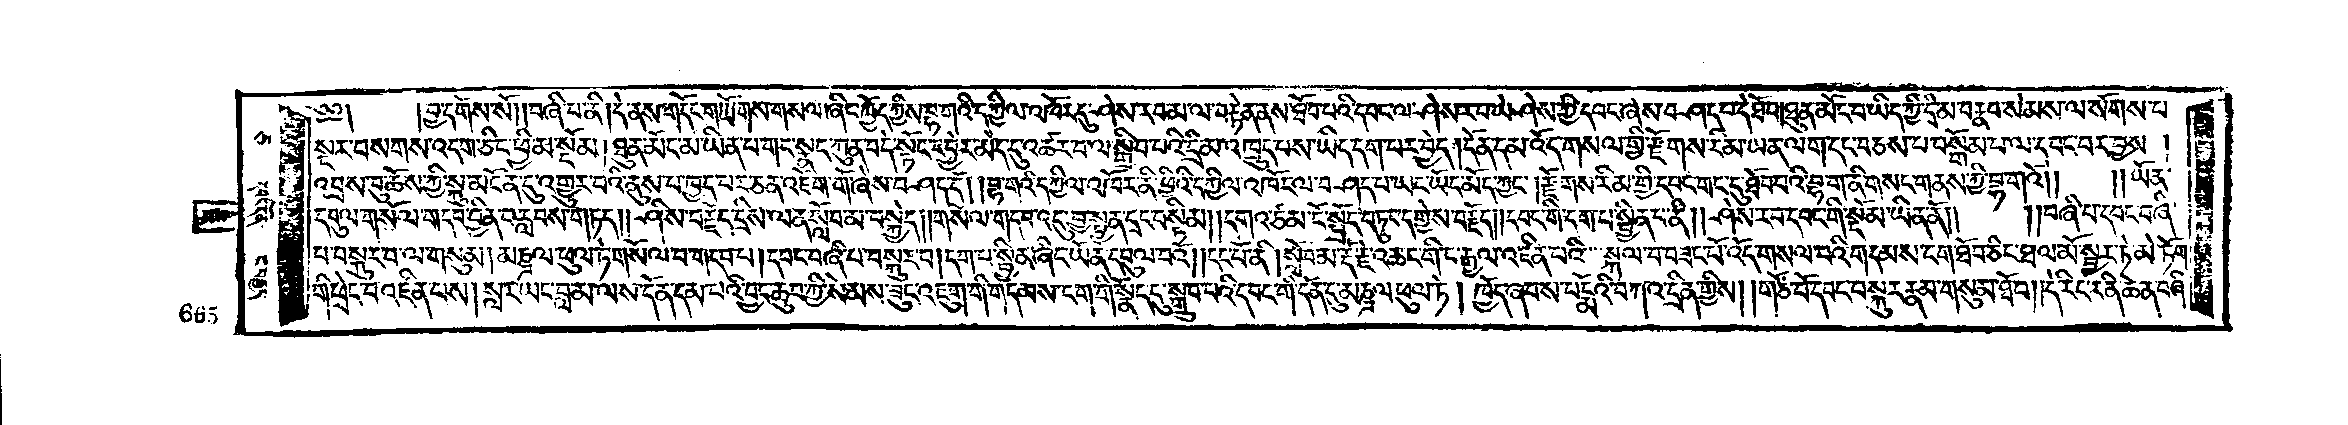༄༅། །བྱ་དགོས་སོ། །བཞི་པ་ནི། དེ་ནས་གདོང་གཡོགས་གསལ་ཞིང་ཁྱོད་ཀྱིས་བྷ་གའི་དཀྱིལ་འཁོར་དུ་ཤེས་རབ་མ་ལ་བརྟེན་ནས་ཐོབ་པའི་དབང་ལ་ཤེས་རབ་ཡེ་ཤེས་ཀྱི་དབང་ཞེས་བཤད་པ་དེ་ཐོབ། ཐུན་མོང་བ་ཡིད་ཀྱི་དྲི་མ་བརྣབ་སེམས་ལ་སོགས་པ་
སྔར་བསགས་འདག་ཅིང་ཕྱི་མ་སྡོམ། ཐུན་མོང་མ་ཡིན་པ་གང་སྣང་ཀུན་བདེ་སྟོང་དབྱེར་མེད་དུ་འཆར་བ་ལ་སྒྲིབ་པའི་དྲི་མ་འཁྲུད་པས་ཡིད་དག་པར་བྱེད། དོན་དམ་འོད་གསལ་གྱི་རྫོགས་རིམ་ཡན་ལག་དང་བཅས་པ་བསྒོམ་པ་ལ་དབང་པར་བྱས།
འབྲས་བུ་ཆོས་ཀྱི་སྐུ་མངོན་དུ་འགྱུར་བའི་ནུས་པ་ཁྱད་པར་ཅན་འཇོག་གོ་ཞེས་བཤད་དོ། །བྷ་གའི་དཀྱིལ་འཁོར་ནི་ཕྱིའི་དཀྱིལ་འཁོར་ལ་བཤད་པ་ཡང་ཡོད་མོད་ཀྱང་། རྫོགས་རིམ་གྱི་དབང་གང་དུ་ཐོབ་པའི་བྷ་ག་ནི་གསང་གནས་ཀྱི་བྷ་གའོ།། །།ཡོན་
དབུལ་གསོལ་གདབ་བྱིན་བརླབས་གཏད། །ཤིས་བརྗོད་དྲིས་ལན་སློབ་མ་བསྐྱེད། །གསལ་གདབ་འདུ་བྱ་སྤྱན་དྲང་བསྟིམ། །དགའ་ཙམ་ངོ་སྤྲོད་བཏུང་དགྱེས་བརྗོད། །དབང་གི་དག་པ་སྦྱིན་པ་ནི། །ཤེས་རབ་དབང་གི་སྡོམ་ཡིན་ནོ།། །།བཞི་པ་དབང་བཞི་
པ་བསྐུར་བ་ལ་གསུམ། མཎྜལ་ཕུལ་ཏེ་གསོལ་བ་གདབ་པ། དབང་བཞི་པ་བསྐུར་བ། དག་པ་སྦྱིན་ཞིང་ཡོན་དབུལ་བའོ། །དང་པོ་ནི། སློབ་མ་རྡོ་རྗེ་འཆང་གི་ང་རྒྱལ་འཛིན་པའི་སྐལ་བ་བཟང་པོ་འོད་གསལ་བའི་གདམས་ངག་ཐོབ་ཅིང་ཐལ་མོ་སྦྱར་ཏེ་མེ་ཏོག་
གི་ཕྲེང་བ་འཛིན་པས། སླར་ཡང་བླ་མ་ལས་དོན་དམ་པའི་བྱང་ཆུབ་ཀྱི་སེམས་ཟུང་འཇུག་གི་གདམས་ངག་གི་སྣོད་དུ་སྒྲུབ་པའི་དབང་གི་དོན་དུ་མཎྜལ་ཕུལ་ཏེ། ཁྱོད་ཞབས་པདམོའི་བཀའ་དྲིན་གྱིས། །གཙོ་བོ་དབང་བསྐུར་རྣམ་གསུམ་ཐོབ། །དེ་རིང་རིན་ཆེན་བཞི་